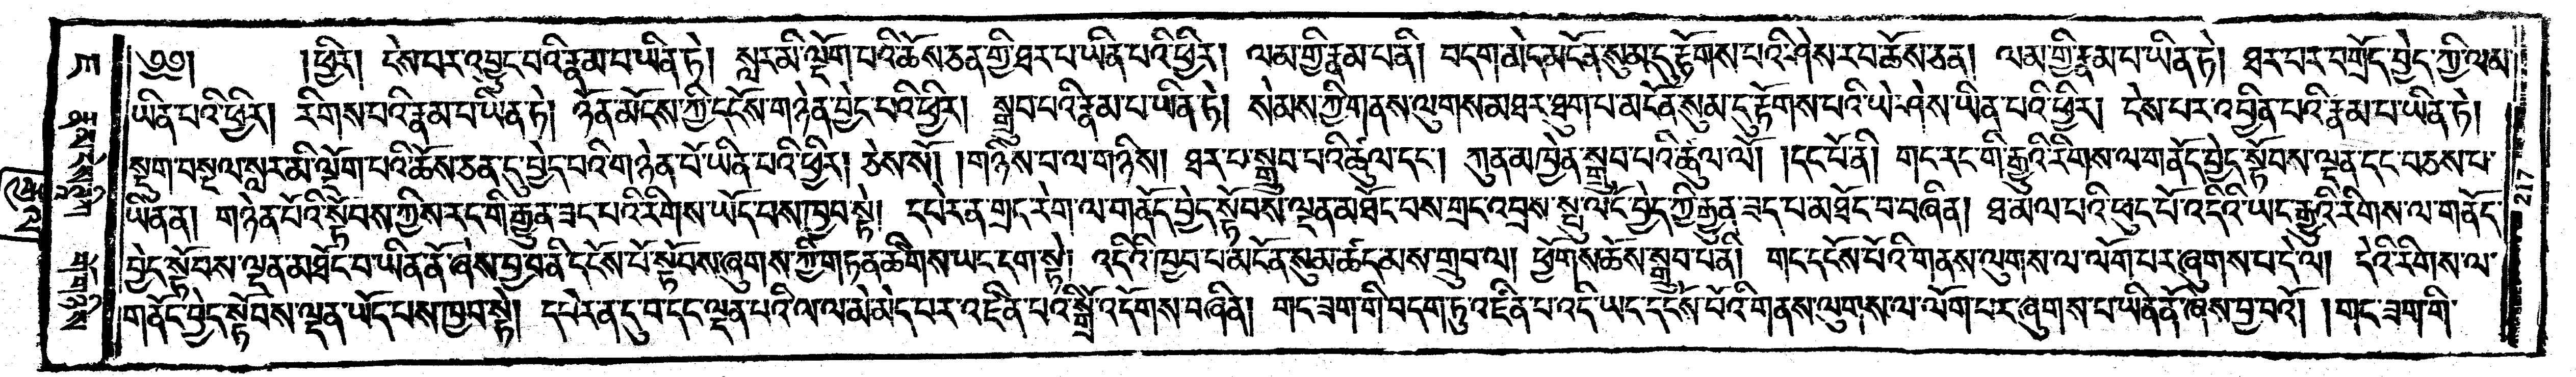༄༅། །ཕྱིར། ངེས་པར་འབྱུང་བའི་རྣམ་པ་ཡིན་ཏེ། སླར་མི་ལྡོག་པའི་ཆོས་ཅན་གྱི་ཐར་པ་ཡིན་པའི་ཕྱིར། ལམ་གྱི་རྣམ་པ་ནི། བདག་མེད་མངོན་སུམ་དུ་རྟོགས་པའི་ཤེས་རབ་ཆོས་ཅན། ལམ་གྱི་རྣམ་པ་ཡིན་ཏེ། ཐར་པར་བགྲོད་བྱེད་ཀྱི་ལམ་
ཡིན་པའི་ཕྱིར། རིགས་པའི་རྣམ་པ་ཡིན་ཏེ། ཉོན་མོངས་ཀྱི་དངོས་གཉེན་བྱེད་པའི་ཕྱིར། སྒྲུབ་པའི་རྣམ་པ་ཡིན་ཏེ། སེམས་ཀྱི་གནས་ལུགས་མཐར་ཐུག་པ་མངོན་སུམ་དུ་རྟོགས་པའི་ཡེ་ཤེས་ཡིན་པའི་ཕྱིར། ངེས་པར་འབྱིན་པའི་རྣམ་པ་ཡིན་ཏེ།
སྡུག་བསྔལ་སླར་མི་ལྡོག་པའི་ཆོས་ཅན་དུ་བྱེད་པའི་གཉེན་པོ་ཡིན་པའི་ཕྱིར། ཅེས་སོ། །གཉིས་པ་ལ་གཉིས། ཐར་པ་སྒྲུབ་པའི་ཚུལ་དང་། ཀུན་མཁྱེན་སྒྲུབ་པའི་ཚུལ་ལོ། །དང་པོ་ནི། གང་རང་གི་རྒྱུའི་རིགས་ལ་གནོད་བྱེད་སྟོབས་ལྡན་དང་བཅས་པ་
ཡིན་ན། གཉེན་པོའི་སྟོབས་ཀྱིས་རང་གི་རྒྱུན་ཟད་པའི་རིགས་ཡོད་པས་ཁྱབ་སྟེ། དཔེར་ན་གྲང་རེག་ལ་གནོད་བྱེད་སྟོབས་ལྡན་མཐོང་བས་གྲང་འབྲས་སྤུ་ལོང་བྱེད་ཀྱི་རྒྱུན་ཟད་པ་མཐོང་བ་བཞིན། ཐ་མལ་པའི་ཕུང་པོ་འདིའི་ཡང་རྒྱུའི་རིགས་ལ་གནོད་
བྱེད་སྟོབས་ལྡན་མཐོང་བ་ཡིན་ནོ་ཞེས་བྱ་བ་ནི་དངོས་པོ་སྟོབས་ཞུགས་ཀྱི་གཏན་ཚིགས་ཡང་དག་སྟེ། འདིའི་ཁྱབ་པ་མངོན་སུམ་ཚད་མས་གྲུབ་ལ། ཕྱོགས་ཆོས་སྒྲུབ་པ་ནི། གང་དངོས་པོའི་གནས་ལུགས་ལ་ལོག་པར་ཞུགས་པ་དེ་ལ། དེའི་རིགས་ལ་
གནོད་བྱེད་སྟོབས་ལྡན་ཡོད་པས་ཁྱབ་སྟེ། དཔེར་ན་དུ་བ་དང་ལྡན་པའི་ལ་ལ་མེ་མེད་པར་འཛིན་པའི་སྒྲོ་འདོགས་བཞིན། གང་ཟག་གི་བདག་ཏུ་འཛིན་པ་འདི་ཡང་དངོས་པོའི་གནས་ལུགས་ལ་ལོག་པར་ཞུགས་པ་ཡིན་ནོ་ཞེས་བྱ་བའོ། །གང་ཟག་གི་